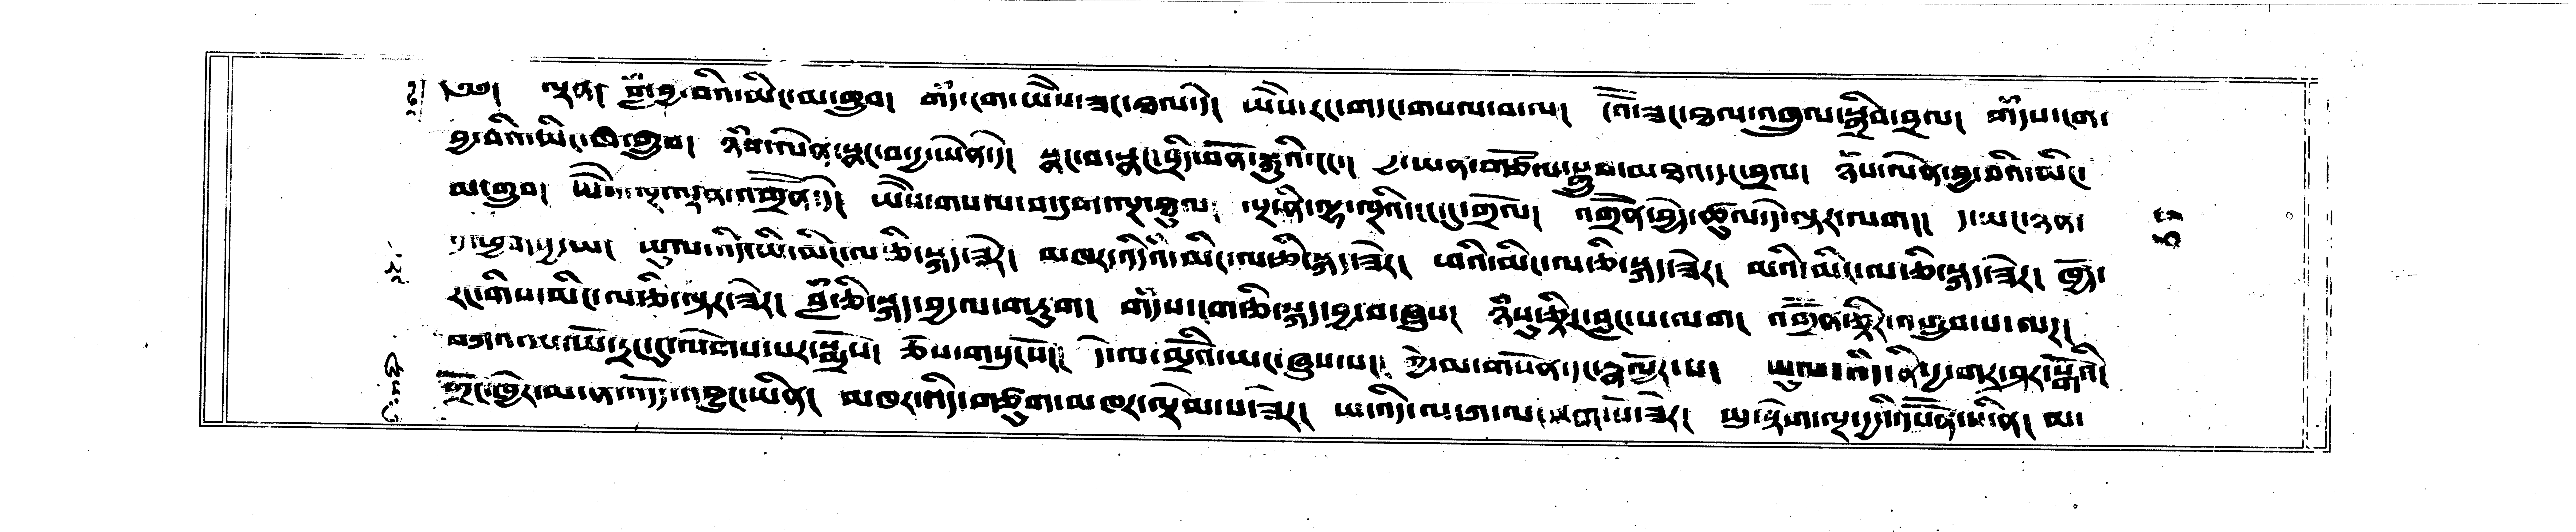ལྡན། བླ་མ་བྱ་བའི་མིང་མ་གྲུབ། གདམས་ངག་ཡེ་ཤེས་ཟང་ཐལ་དེ། ཡེ་ཤེས་རང་གདངས་གསལ་བ་ལ། ངོ་བོ་ཟང་ཐལ་འཁྲུལ་སྒྲིབ་བྲལ། གདམས་ངག་
བྱ་བའི་མིང་མ་གྲུབ། ཉམས་ལེན་སྣང་བ་རྒྱ་ཡན་དེ། སྣང་བ་སྣང་སྲིད་བོན་སྐུའི་ངང་། རྒྱ་ཡན་རྩོལ་སྒྲུབ་མཐའ་དང་བྲལ། ཉམས་ལེན་བྱ་བའི་མིང་
མ་གྲུབ། ཡེ་ཤེས་ལྔ་ལྡན་འགྲོ་དོན་དེ། ཡེ་ཤེས་གསལ་བ་དུག་ལྔ་ཐུལ། ལྔ་ནི་ལྷ་ལྔའི་ངང་དུ་གྲོལ། འགྲོ་དོན་བྱེད་ཚུལ་དེ་ལྟར་ལགས། ད་ཡང་ཉོན་
ཅིག་ཕྱག་རྒྱ་མ། ཡུལ་འདི་ཡི་མིང་ལ་ཅི་སྐད་ཟེར། མཁར་འདིའི་མིང་ལ་ཅི་སྐད་ཟེར། ཕའི་མིང་ལ་ཅི་སྐད་ཟེར། མ་ཡི་མིང་ལ་ཅི་སྐད་ཟེར། ཁྱོད་
རང་གི་མིང་ལ་ཅི་ལྟར་ཟེར། བླ་མ་ཅི་སྐད་བྱ་ལ་གཏུག གདམས་ངག་ཅི་སྐད་བྱ་བ་ཞུས། ཉམས་སུ་ཅི་ལྟར་བླང་བ་ལགས། འགྲོ་དོན་ཅི་ལྟར་གྲུབ་པ་ལགས།
བཀའ་མ་ཡོ་དྲང་དུ་ལེགས་པར་སྨྲོས། ཅེས་གསུངས། ཅེས་གསུངས་སོ། །དེ་ལ་མཁའ་འགྲོས་ཡང་ཞུས་པ། ཀྱེ་མ་གསོན་དང་རྣལ་འབྱོར་པ། ཡུལ་འདི་ནི་རྒྱ་གར་ཤར་སྒོ་ཡི། 
གྲོང་ཁྱེར་ལ་ནི་འདོད་འབྱུང་ཡིན། མཁར་འདི་གཙུག་མཁར་ལྡེམ་པ་ཟེར། ཕ་འདི་ལ་ཀ་ལ་ནག་པོ་ཟེར མུ་སྟེགས་ལྔ་བརྒྱའི་དཔོན་པོ་ཡིན། མ་